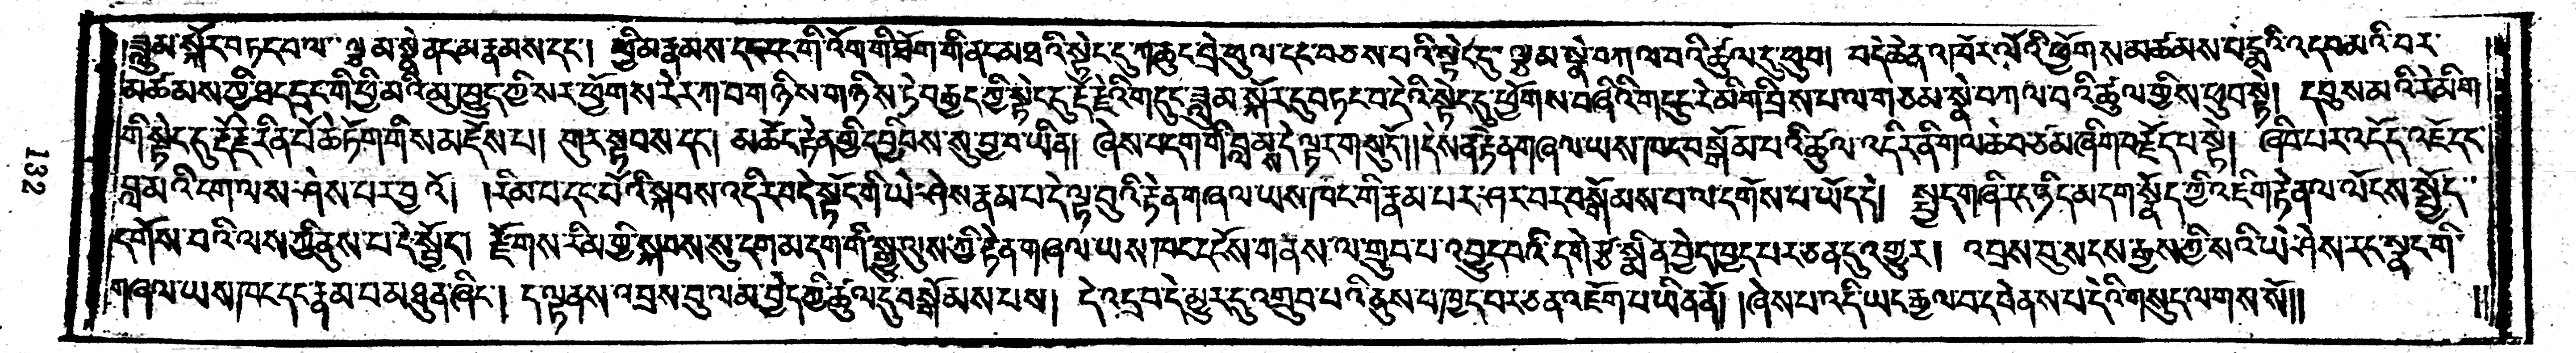ཟླུམ་སྐོར་བཏང་བ་ལ་ལྕམ་སྣེ་ནང་མ་རྣམས་དང་། ཕྱི་མ་རྣམས་དང་རང་གི་འོག་གི་ཐོག་གི་ནང་མཐའི་སྟེང་དུ་ཀ་ཆུང་བྲེ་ཕུལ་དང་བཅས་པའི་སྟེང་དུ་ལྕམ་སྣེ་བཀལ་བའི་ཚུལ་དུ་ཕུབ། བདེ་ཆེན་འཁོར་ལོའི་ཕྱོགས་མཚམས་པདམའི་འདབ་མའི་བར་
མཚམས་ཀྱི་ཐད་དྲང་གི་ཕྱི་མའི་མུ་ཁྱུད་ཀྱི་སར་ཕྱོགས་རེར་ཀ་བ་གཉིས་གཉིས་ཏེ་བརྒྱད་ཀྱི་སྟེང་དུ་རྡོ་རྗེའི་གདུང་ཟླུམ་སྐོར་དུ་བཏང་བ་དེའི་སྟེང་དུ་ཕྱོགས་བཞིའི་གདུང་རེ་མིག་བྲིས་པ་ལ་གཅམ་སྣེ་བཀལ་བའི་ཚུལ་གྱིས་ཕུབ་སྟེ། དབུས་མའི་རེ་མིག་
གི་སྟེང་དུ་རྡོ་རྗེ་རིན་པོ་ཆེ་ཏོག་གིས་མཛེས་པ། གུར་སྟབས་དང་། མཆོད་རྟེན་གྱི་དབྱིབས་སུ་བྱ་བ་ཡིན། ཞེས་བདག་གི་བླ་མས་དེ་ལྟར་གསུང་ངོ། །དེས་ན་རྟེན་གཞལ་ཡས་ཁང་བསྒོམ་པའི་ཚུལ་འདིར་ནི་གལ་ཆེ་བ་ཙམ་ཞིག་བརྗོད་པ་སྟེ། ཞིབ་པར་འདོད་འཛོ་དང་
བླ་མའི་ངག་ལས་ཤེས་པར་བྱའོ། །རིམ་པ་དང་པོའི་སྐབས་འདིར་བདེ་སྟོང་གི་ཡེ་ཤེས་རྣམ་པ་དེ་ལྟ་བུའི་རྟེན་གཞལ་ཡས་ཁང་གི་རྣམ་པར་ཤར་བར་བསྒོམས་པ་ལ་དགོས་པ་ཡོད་དེ། སྤྱད་གཞི་རང་ཉིད་མ་དག་སྣོད་ཀྱི་འཇིག་རྟེན་ལ་ལོངས་སྤྱོད་
དགོས་བའི་ལས་ཀྱི་ནུས་པ་དེ་སྦྱོད། རྫོགས་རིམ་གྱི་སྐབས་སུ་དག་མ་དག་གི་སྒྱུ་ལུས་ཀྱི་རྟེན་གཞལ་ཡས་ཁང་དངོས་གནས་ལ་གྲུབ་པ་འབྱུང་བའི་དགེ་རྩ་སྨིན་བྱེད་ཁྱད་པར་ཅན་དུ་འགྱུར། འབྲས་བུ་སངས་རྒྱས་ཀྱི་སའི་ཡེ་ཤེས་རང་སྣང་གི་
གཞལ་ཡས་ཁང་དང་རྣམ་པ་མཐུན་ཞིང་། ད་ལྟ་ནས་འབྲས་བུ་ལམ་བྱེད་ཀྱི་ཚུལ་དུ་བསྒོམས་པས། དེ་འདྲ་བ་དེ་མྱུར་དུ་འགྲུབ་པའི་ནུས་པ་ཁྱད་པར་ཅན་འཇོག་པ་ཡིན་ནོ། །ཞེས་པ་འདི་ཡང་རྒྱལ་བ་དབེན་ས་པ་དེའི་གསུང་ལགས་སོ།། །།